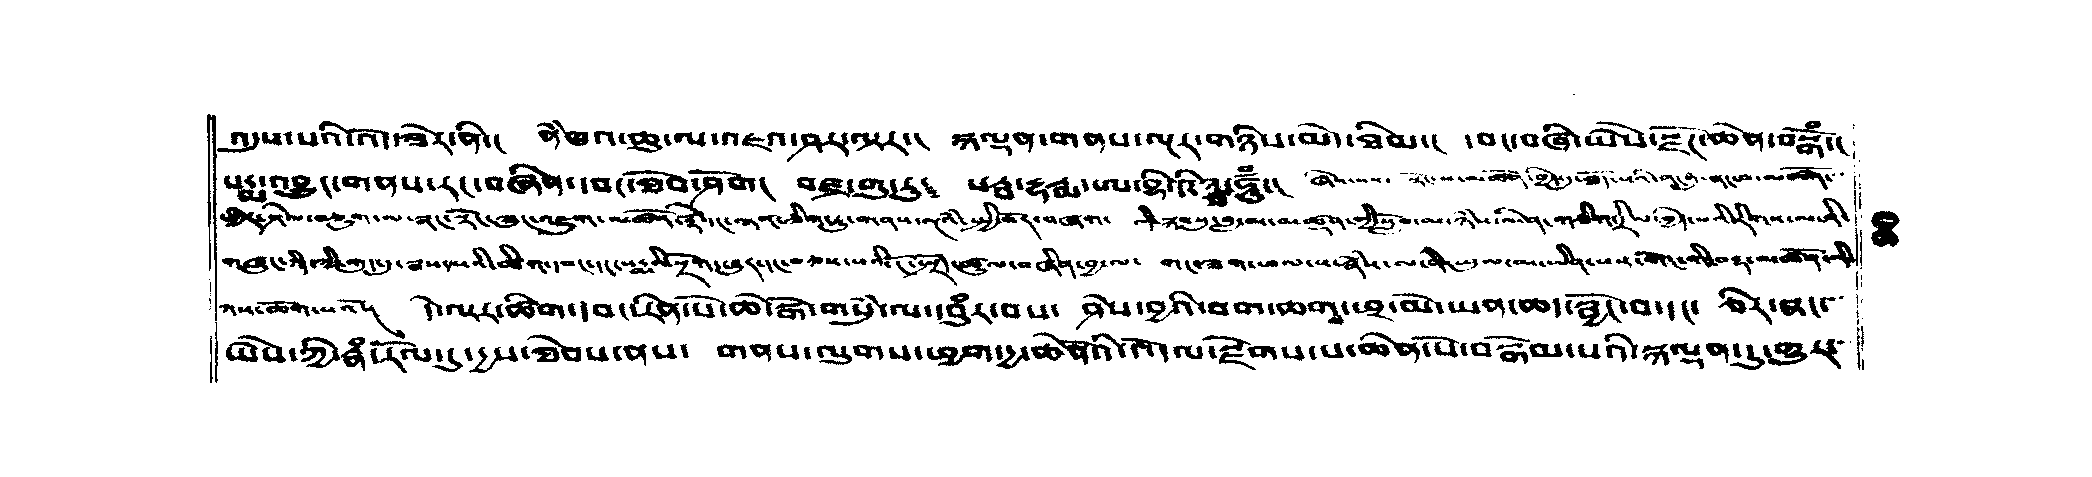འདུས་པའི་འོད་ཟེར་ནི། །ནམ་མཁའ་ཆུ་ལ་འཇའ་ཤར་ལྟར། །སྐལ་ལྡན་གནས་ལྔར་གཉིས་མེད་ཐིམ། །དབང་བཞི་ཡེ་ཤེས་རྫོགས་ཆེན་བསྒོམ། ། 
པདྨ་འབྱུང་གནས་རང་བཞིན་དབང་བཞིན་ཤོག་།བཛྲ་གུ་རུ་༴ སརྦ་དྷརྨ་ཨ་བྷི་རིཉྩ་ཧཱུྃ།ཞེས་པས་སྟོང་པ་མཚོན་བྱེད་དུ་ཐོད་པའི་ནང་དུ་སྣང་བ་མཚོན་
ཕྱིར་ཤེལ་བཅུག་ལ་སྣང་སྟོང་ཟུང་འཇུག་མཚོན་རྡོ་རྗེ་དང་ལྷན་ཅིག་ཏུ་གནས་ལྔའམ་སྤྱི་བོར་བཞག་འདི་སྐབས་སུ་བླ་མ་མཚན་ལྡན་གྱི་སློབ་མ་ཉམས་ལེན་གཅིག་དྲིལ་བྱེད་པའི་རིགས་ལ་ནི་
གཞུང་ཉིད་ཀྱི་གུད་དུ་སྦས་པའི་ཚིག་དང་པདྨའི་སྲོག་ཁུར་དང་བཅས་པའི་ངོ་སྤྲོད་ཚུལ་བཞིན་བྱ་ལ། གང་ཟག་ཕལ་པ་རྣམས་ལ་ནི་ཡུལ་མ་ཡིན་པས་གོང་གི་བརྡ་མཚོན་འདི་
ཀས་ཆོག་པའོ། དེ་ལྟར་ཚིག་དབང་རིན་པོ་ཆེ་སྒོ་གསུམ་ལ་དབང་བསྐུར་བས། ཤེས་བྱའི་བག་ཆགས་ཕྲ་མོ་ཡན་ཆད་སྦྱོང་བ་དང་། ཅིར་སྣང་
ཡེ་ཤེས་ཀྱི་རྣམ་རོལ་དུ་རྒྱས་ཐེབས་ནས། གནས་ལུགས་ཕྱག་རྒྱ་ཆེན་པོའི་འོད་གསལ་རྫོགས་པ་ཆེན་པོ་བསྒོམ་པའི་སྐལ་ལྡན་དུ་གྱུར་